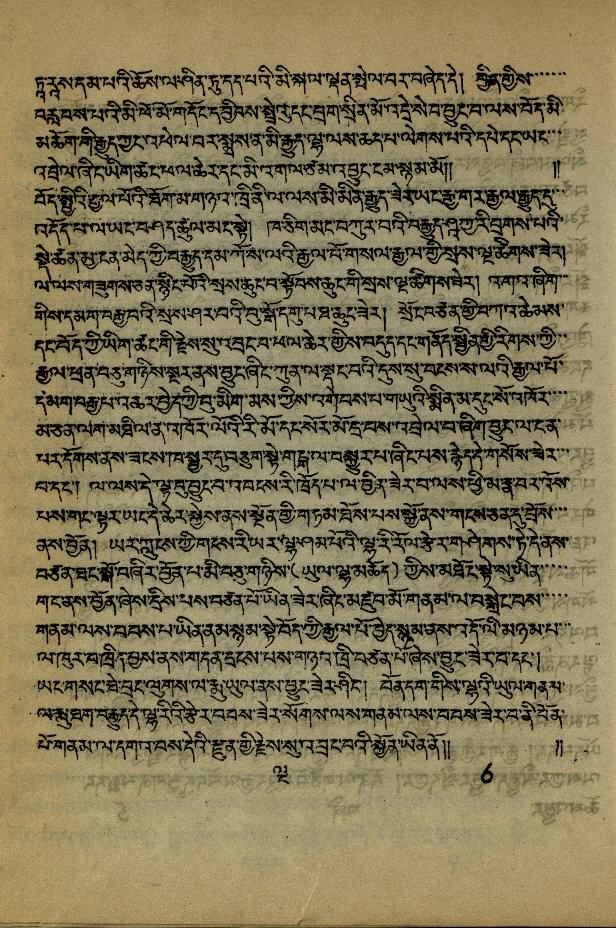ཏཱ་རཱས་དམ་པའི་ཆོས་ལ་ཤིན་ཏུ་དད་པའི་མི་སྐལ་ལྡན་སྤེལ་བར་བཞེད་དེ། བྱིན་གྱིས་
བརླབས་པའི་མི་ཕོ་མོ་གདོང་དབྱིབས་སྤྲེའུ་དང་བྲག་སྲིན་མོ་འདྲེ་སེབ་བྱུང་བ་ལས་བོད་མི་
མཆོག་གི་རྒྱུད་ཀྱང་འཕེལ་བར་སྨྲས་ན་མི་རྒྱུད་ལྷ་ལས་ཆད་པ་ལེགས་པའི་དཔེ་དང་ཡང་
འབྲེལ་ཞིང་ཡིག་ཚང་ཕལ་ཆེར་དང་མི་འགལ་ཙམ་འབྱུང་ངམ་སྙམ་མོ།། །།
བོད་སྤྱིའི་རྒྱལ་པོའི་ཐོག་མ་གཉའ་ཁྲི་ནི་ལ་ལས་མི་མིན་རྒྱུད་ཟེར་ཡང་རྒྱ་གར་རྒྱལ་རྒྱུད་དུ་
འདོད་པ་ལ་ཡང་བཤད་ཚུལ་མང་སྟེ། ཁ་ཅིག་མང་བཀུར་བའི་བརྒྱུད་ཤཱཀྱ་རི་བྲགས་པའི་
སྡེ་ཚན་མྱ་ངན་མེད་ཀྱི་བརྒྱུད་དམ་ཀོ་ས་ལའི་རྒྱལ་པོ་གསལ་རྒྱལ་གྱི་སྲས་ལྔ་ཚིགས་ཟེར།
ལ་ལས་གཟུགས་ཅན་སྙིང་པོའི་སྲས་ཆུང་བ་སྟོབས་ཆུང་གི་སྲས་ལྔ་ཚིགས་ཟེར། འགའ་ཞིག་
གིས་དམག་བརྒྱ་བའི་སྲས་ཤར་བའི་བུ་སྒོ་དགུ་པ་ཐ་ཆུང་ཟེར། སྲོང་བཙན་གྱི་བཀའ་ཆེམས་
དང་བོད་ཀྱི་ཡིག་ཚང་གི་རྗེས་སུ་འབྲང་བ་ཕལ་ཆེར་གྱིས་བདུད་དང་གནོད་སྦྱིན་གྱི་རིགས་ཀྱི་
རྒྱལ་ཕྲན་བཅུ་གཉིས་སྔར་ནས་བྱུང་ཞིང་ཀུན་ལ་སྡང་བའི་དུས་སུ་བངས་ས་ལའི་རྒྱལ་པོ་
དམག་བརྒྱ་པ་འཆར་བྱེད་ཀྱི་བུ་མིག་མས་ཀྱིས་འགེབས་པ་གཡུའི་སྨིན་མ་དུང་སོ་འཁོར་
མ་ཅན་ལག་མཐིལ་ན་འཁོར་ལོའི་རི་མོ་དང་སོར་མོ་དྲ་བས་འབྲེལ་བ་ཞིག་བྱུང་ལ་ངན་
པར་དོགས་ནས་ཟངས་ཁ་སྦྱར་དུ་བཅུག་སྟེ་གངྒ་ལ་བསྒྱུར་པ་ཞིང་པས་རྙེད་དེ་གསོས་ཟེར་
བ་དང་། ལ་ལས་དེ་ལྟ་བུ་བྱུང་བ་འབངས་རི་ཁྲོད་པ་ལ་བྱིན་ཟེར་བ་ལས་ཕྱི་མ་རྣ་བར་འོས་
པས་གང་ལྟར་ཡང་དེ་ཆེར་སྐྱེས་ནས་སྔོན་གྱི་གཏམ་ཐོས་པས་སྐྱོ་ནས་གངས་ཅན་དུ་བྲོས་
ནས་བྱོན། ཡར་ཀླུངས་ཀྱི་གངས་རི་ཡར་ལྷ་ཤམ་པོའི་ལྷ་རི་རོལ་རྩེར་གཤེགས་ཏེ་དེ་ནས་
བཙན་ཐང་སྒོ་བཞིར་བྱོན་པ་མི་བཅུ་གཉིས་ཡུལ་ལྷ་མཆོད་ཀྱིས་མཐོང་སྟེ་སུ་ཡིན་
གང་ནས་བྱོན་ཞེས་དྲིས་པས་བཙན་པོ་ཡིན་ཟེར་ཞིང་མཛུབ་མོ་གནམ་ལ་བསྒྲེང་བས་
གནམ་ལས་བབས་པ་ཡིན་ནམ་སྙམ་སྟེ་བོད་ཀྱི་རྒྱལ་པོ་བྱེད་སྙམ་ནས་འོད་ལི་མཉམ་པ་
ལ་ཁུར་བ་ཁྲིད་བྱས་ནས་གདན་དྲངས་པས་གཉའ་ཁྲི་བཙན་པོ་ཞེས་བྱུང་ཟེར་བ་དང་།
ཡང་གསང་ཐེ་བྲང་ལུགས་ལ་རྨུ་ཡུལ་ནས་བྱུང་ཟེར་ཤིང་། བོན་དག་གིས་ལྷའི་ཡུལ་གནམ་
ལ་རྨུ་ཐག་བརྒྱུད་དེ་ལྷ་རིའི་རྩེར་བབས་ཟེར་སོགས་ལས་གནམ་ལས་བབས་ཟེར་བ་ནི་བོན་
པོ་གནམ་ལ་དགའ་བས་དེའི་རྫུན་གྱི་རྗེས་སུ་འབྲང་བའི་སྐྱོན་ཡིན་ནོ།། །།